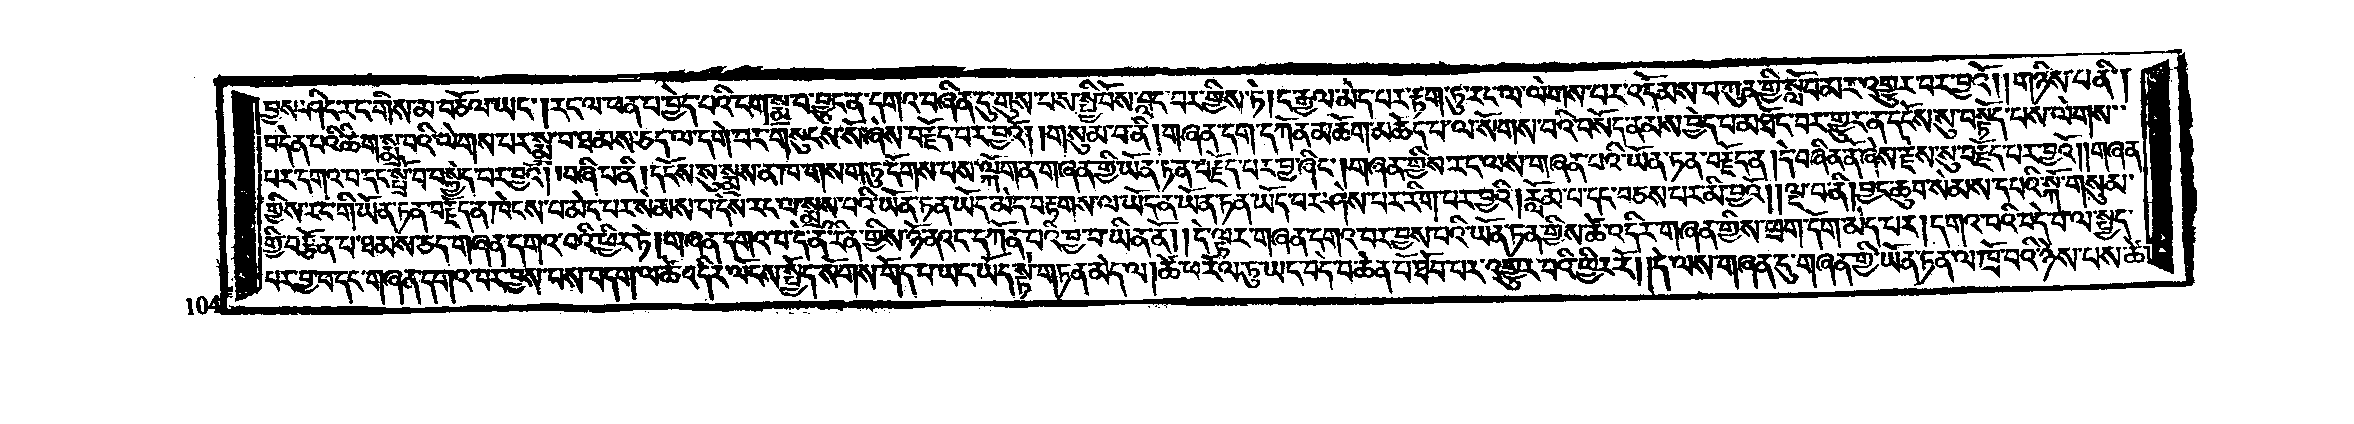བྱས་ཤིང་རང་གིས་མ་བཅོལ་ཡང་། རང་ལ་ཕན་པ་བྱེད་པའི་ངག་སྨྲ་བ་བྱུང་ན་དགའ་བཞིན་དུ་གུས་པས་སྤྱི་བོས་བླང་བར་གྱིས་ཏེ། ང་རྒྱལ་མེད་པར་རྟག་ཏུ་རང་ལ་ལེགས་པར་འདོམས་པ་ཀུན་གྱི་སློབ་མར་འགྱུར་བར་བྱའོ། །གཉིས་པ་ནི།
བདེན་པའི་ཚིག་སྨྲ་བའི་ལེགས་པར་སྨྲ་བ་ཐམས་ཅད་ལ་དགེ་བར་གསུངས་སོ་ཞེས་བརྗོད་པར་བྱའོ། །གསུམ་པ་ནི། གཞན་དག་དཀོན་མཆོག་མཆོད་པ་ལ་སོགས་པའི་བསོད་ནམས་བྱེད་པ་མཐོང་བར་གྱུར་ན་དངོས་སུ་བསྟོད་པས་ལེགས་
པར་དགའ་བ་དང་སྤྲོ་བ་བསྐྱེད་པར་བྱའོ། །བཞི་པ་ནི། དངོས་སུ་སྨྲས་ན་ཁ་གསག་ཏུ་དོགས་པས་ལྐོག་ན་གཞན་གྱི་ཡོན་ཏན་བརྗོད་པར་བྱ་ཞིང་། གཞན་གྱིས་རང་ལས་གཞན་པའི་ཡོན་ཏན་བརྗོད་ན། དེ་བཞིན་ནོ་ཞེས་རྗེས་སུ་བརྗོད་པར་བྱའོ། །གཞན་
གྱིས་རང་གི་ཡོན་ཏན་བརྗོད་ན་ཁེངས་པ་མེད་པར་སེམས་པ་དེས་རང་ལ་སྨྲས་པའི་ཡོན་ཏན་ཡོད་མེད་བརྟགས་ལ་ཡོད་ན་ཡོན་ཏན་ཡོད་པར་ཤེས་པར་རིག་པར་བྱའི་རློམ་པ་དང་བཅས་པར་མི་བྱའོ། །ལྔ་པ་ནི། བྱང་ཆུབ་སེམས་དཔའི་སྐོ་གསུམ་
གྱི་བརྩོན་པ་ཐམས་ཅད་གཞན་དགའ་བའི་ཕྱིར་ཏེ། གཞན་དགའ་བ་དེ་ནི་རིན་གྱིས་ཉོ་ནའང་དཀོན་པའི་བྱ་བ་ཡིན་ནོ། །དེ་ལྟར་གཞན་དགའ་བར་བྱས་པའི་ཡོན་ཏན་གྱིས་ཚེ་འདིར་གཞན་གྱིས་ཕྲག་དོག་མེད་པར། དགའ་བའི་བདེ་བ་ལ་སྤྱད་
པར་བྱ་བ་དང་གཞན་དགའ་བར་བྱས་པས་བདག་ལ་ཚེ་འདིར་ལོངས་སྤྱོད་སོགས་གོད་པ་ཡང་ཡོད་སྟེ་གཏན་མེད་ལ། ཚེ་ཕ་རོལ་ཏུ་ཡང་བདེ་བ་ཆེན་པོ་ཐོབ་པར་འགྱུར་བའི་ཕྱིར་རོ། །དེ་ལས་གཞན་དུ་གཞན་གྱི་ཡོན་ཏན་ལ་ཁྲོ་བའི་ཉེས་པས་ཚེ་